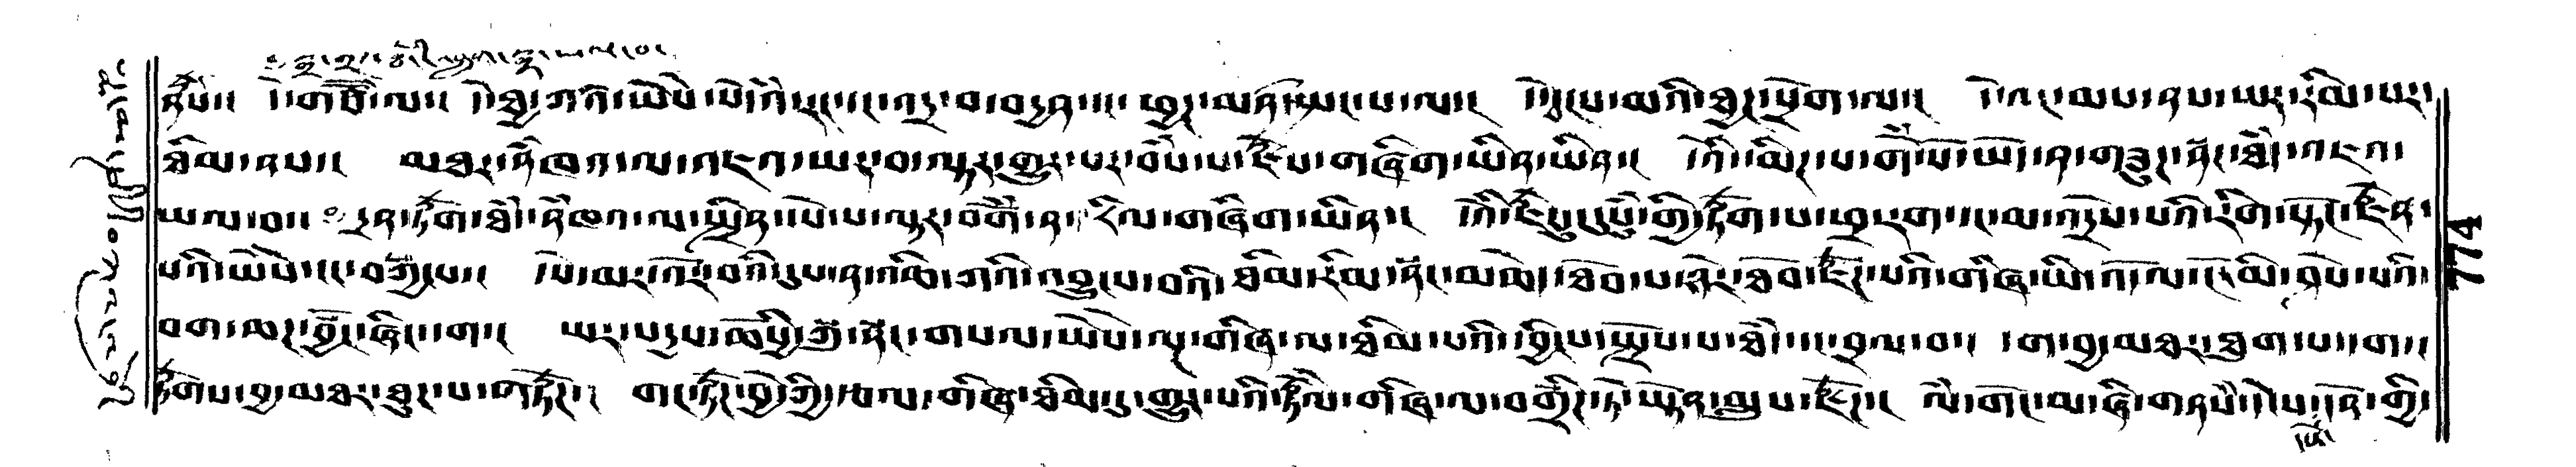རྣམས་ལ། དེ་གཙོ་བོ་ལ། དེ་ཐུགས་ཀའི་ཡེ་ཤེས་སེམས་དཔའ་རང་དང་འདྲ་བ་བརྒྱན་དང་ཕྱག་མཚན་སྤངས་པ་ལ། དེ་དྭངས་མའི་ཐུགས་སྲོག་ལ། དེ་འང་མས་ནས་ཡར་རིམ་པར་
ཐིམ་ནས། མཐར་ནམ་མཁའ་ལ་འཇའ་ཡལ་བ་ལྟར་གྱུར་པར་བསམ་པ་རྗེས་གཞིག་ཡིན། དེའི་དམིགས་པ་གོམ་པོ་ཡོད་ན་གཟུགས་སྣང་ཐམས་ཅད་འཇའ་
ཡལ་བ། སྒྲ་གྲགས་ཐམས་ཅད་འབྲུག་སྒྲ་ཡལ་བ། དྲན་རྟོག་ཐམས་ཅད་ནམ་མཁའ་ལ་སྤྲིན་ཡལ་པ་ལྟར་བསྒོམ་ན་རིལ་གཞིག་ཡིན། དེའི་རྗེས་སུ་དུས་གསུམ་གྱི་རྟོག་པ་ཕྲ་རགས་དང་མ་འདྲེས་པའི་རིག་སྟོང་རྗེན་
པའི་ཡེ་ཤེས་ངང་བསྐྱང་། དེས་མར་འཁོར་བའི་དུས་ན་འཆི་ཀའི་འབྱུང་བའི་ཐིམ་རིམ་སྣང་མཆེད་ཐོབ་པ་ཉེར་ཐོབ་རྫོགས་པའི་གཞི་ཡི་འོད་གསལ་ངོ་མི་ཤེས་པའི་
བག་ཆགས་སྦྱོང་ཞིང་དག ཡར་སངས་རྒྱས་ཆོས་ཀྱི་སྐུ་སྣང་གསལ་ཡེ་ཤེས་ལྔ་གཞི་ལ་ཐིམ་པའི་དབྱིངས་སྤྲོས་པ་ཐམས་ཅད་དང་བྲལ་བ། དག་བྱ་མཐར་ཐུག་པ་དག 
རྟོགས་བྱ་མཐར་ཐུག་པ་རྟོགས། གང་རྟོགས་བྱེད་ཀྱི་རྩལ་གཞི་ཐིམ་དུ་གྱུར་པའི་རྟེན་འབྲེལ་གཞི་ལ་འགྲྀགས་ཏེ་ཡོན་ཏན་མ་ལུས་རྫོགས། ལམ་གོང་མ་ཞི་གནས་དངོས་དེས་དོན་གྱི་